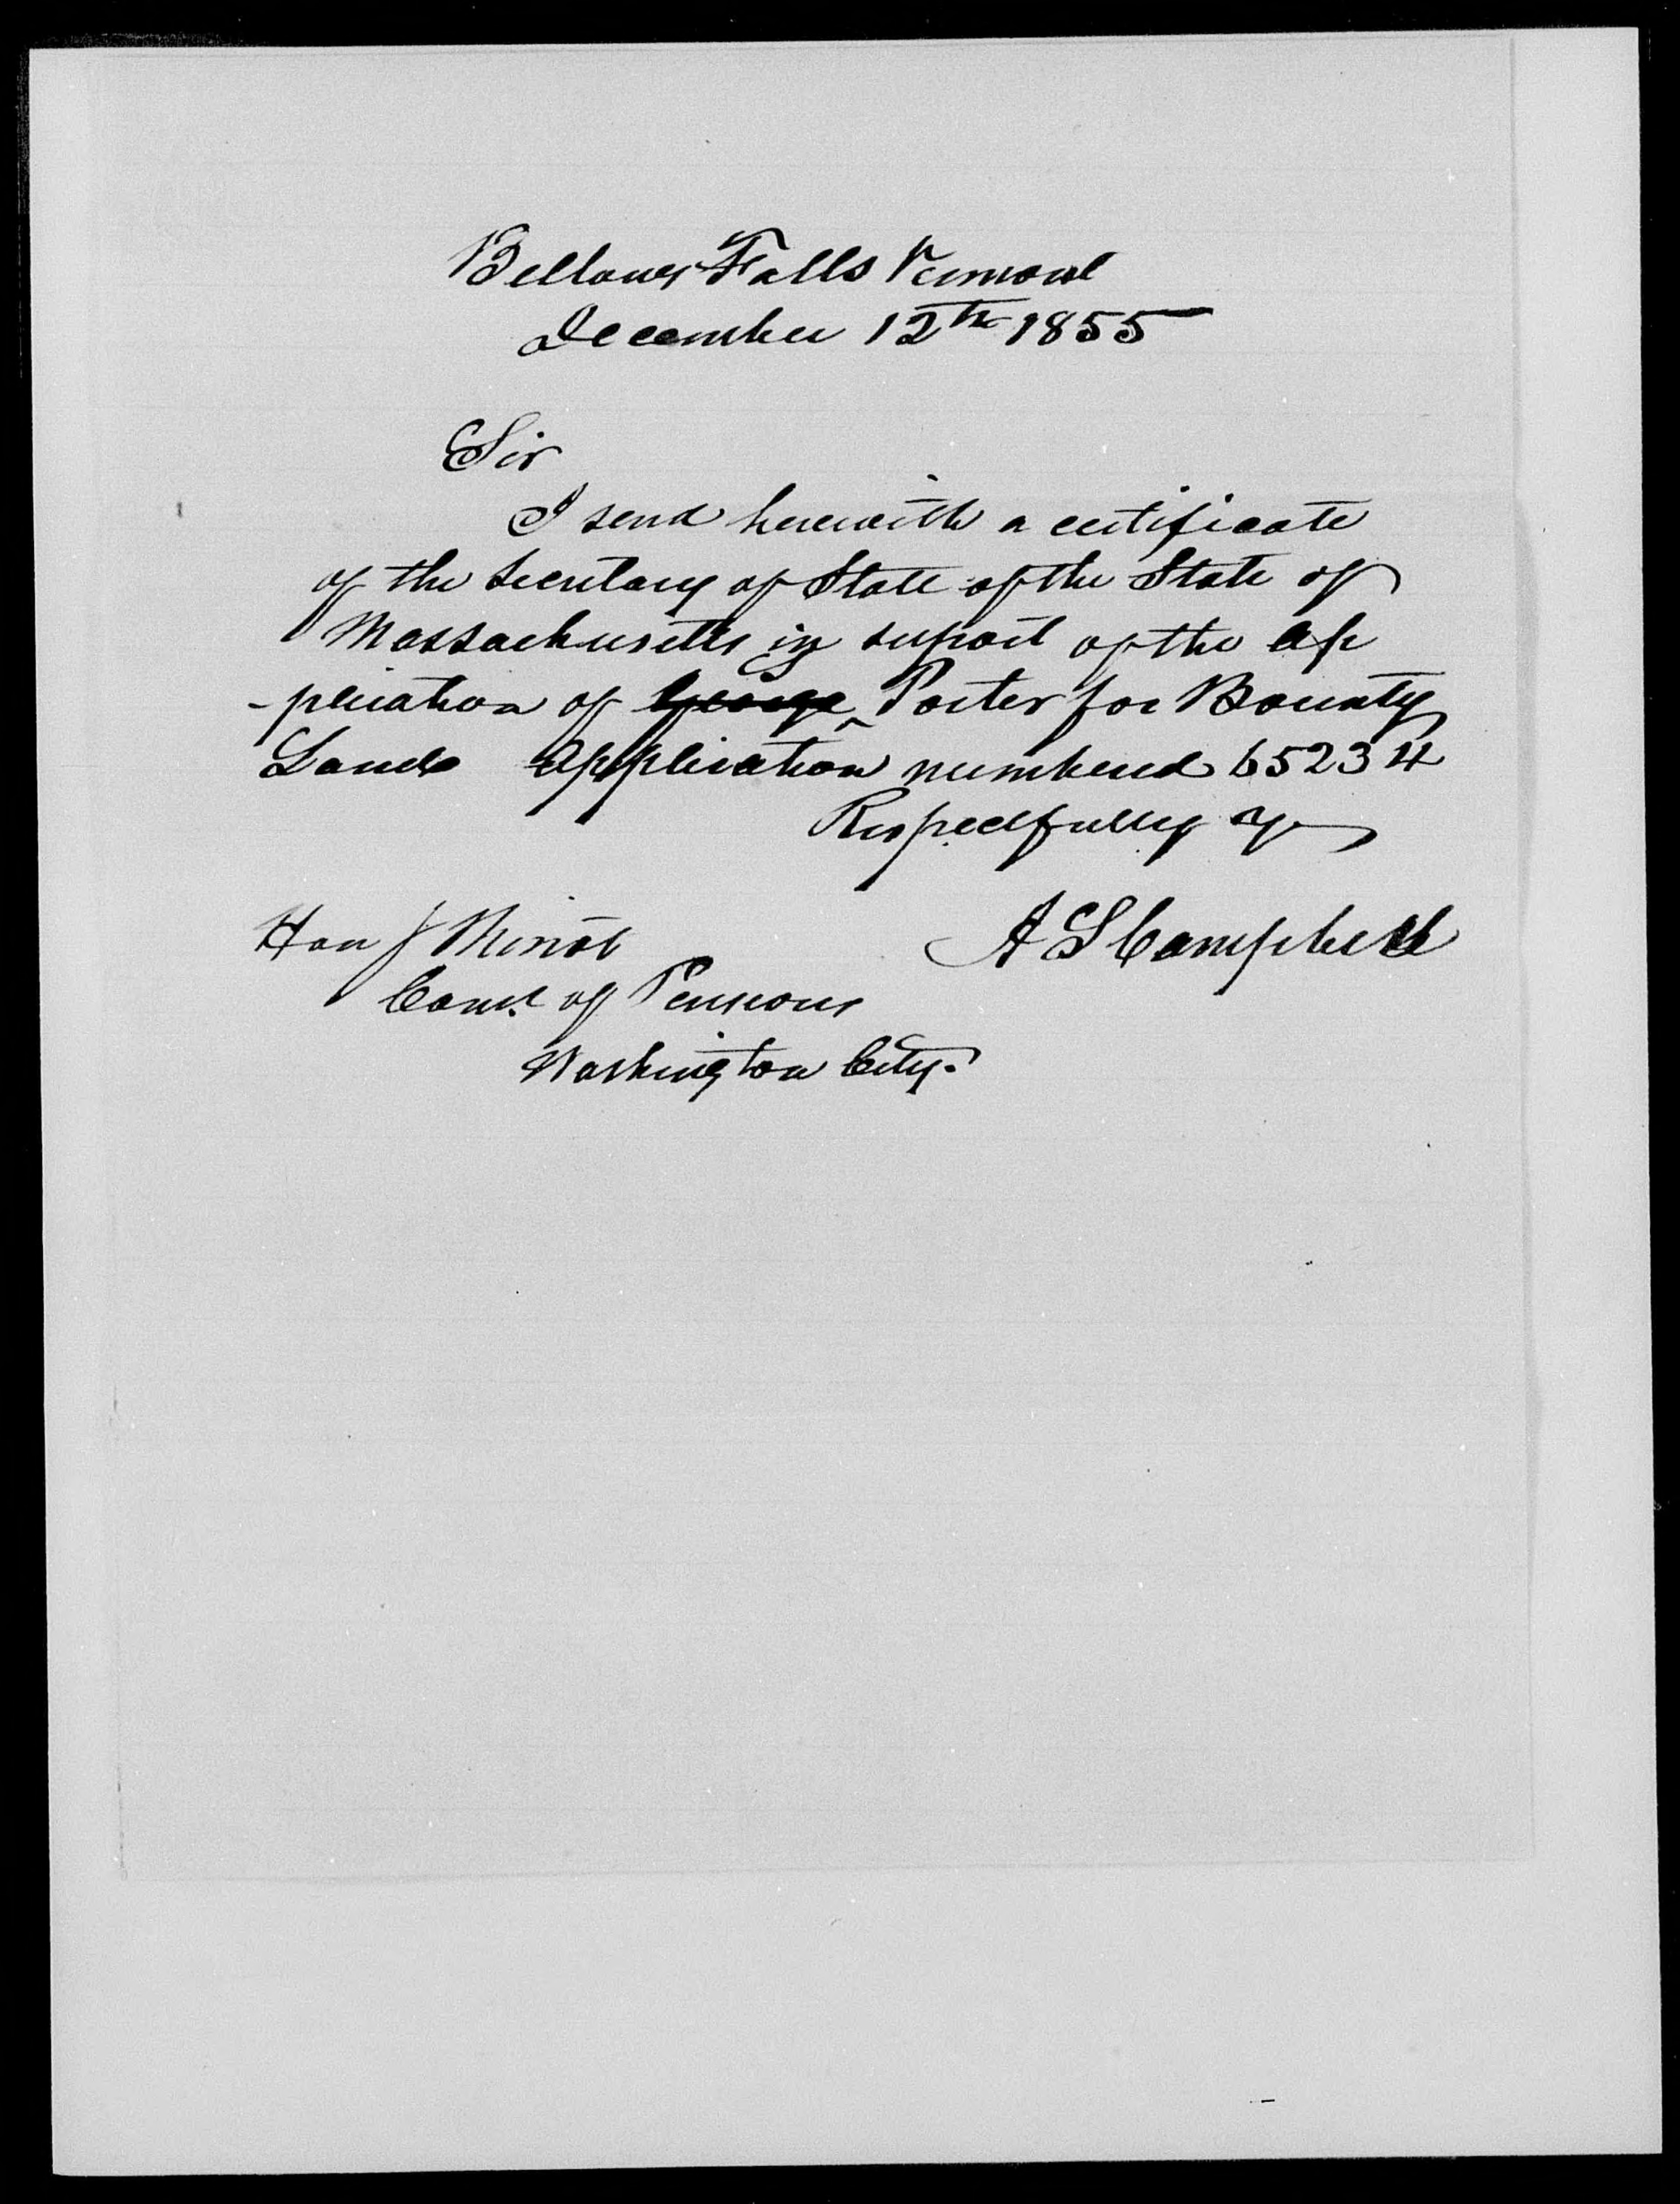Bellows Falls Vermont
December 12th 1855

Sir
I send herewith a certificate of the Secretary of State of the State of Massachusetts in suport of the application of [crossed out: George] S [Susannah] Porter for Bounty Lands application numbered 65234
Respectfully yr
A S Campbell

Hon J Minot
Comr of Pensions
Washington City.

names: A S Campbell; J Minot; George Porter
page: 39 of 49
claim: widow's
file: W. 2164, for George Porter, Massachusetts